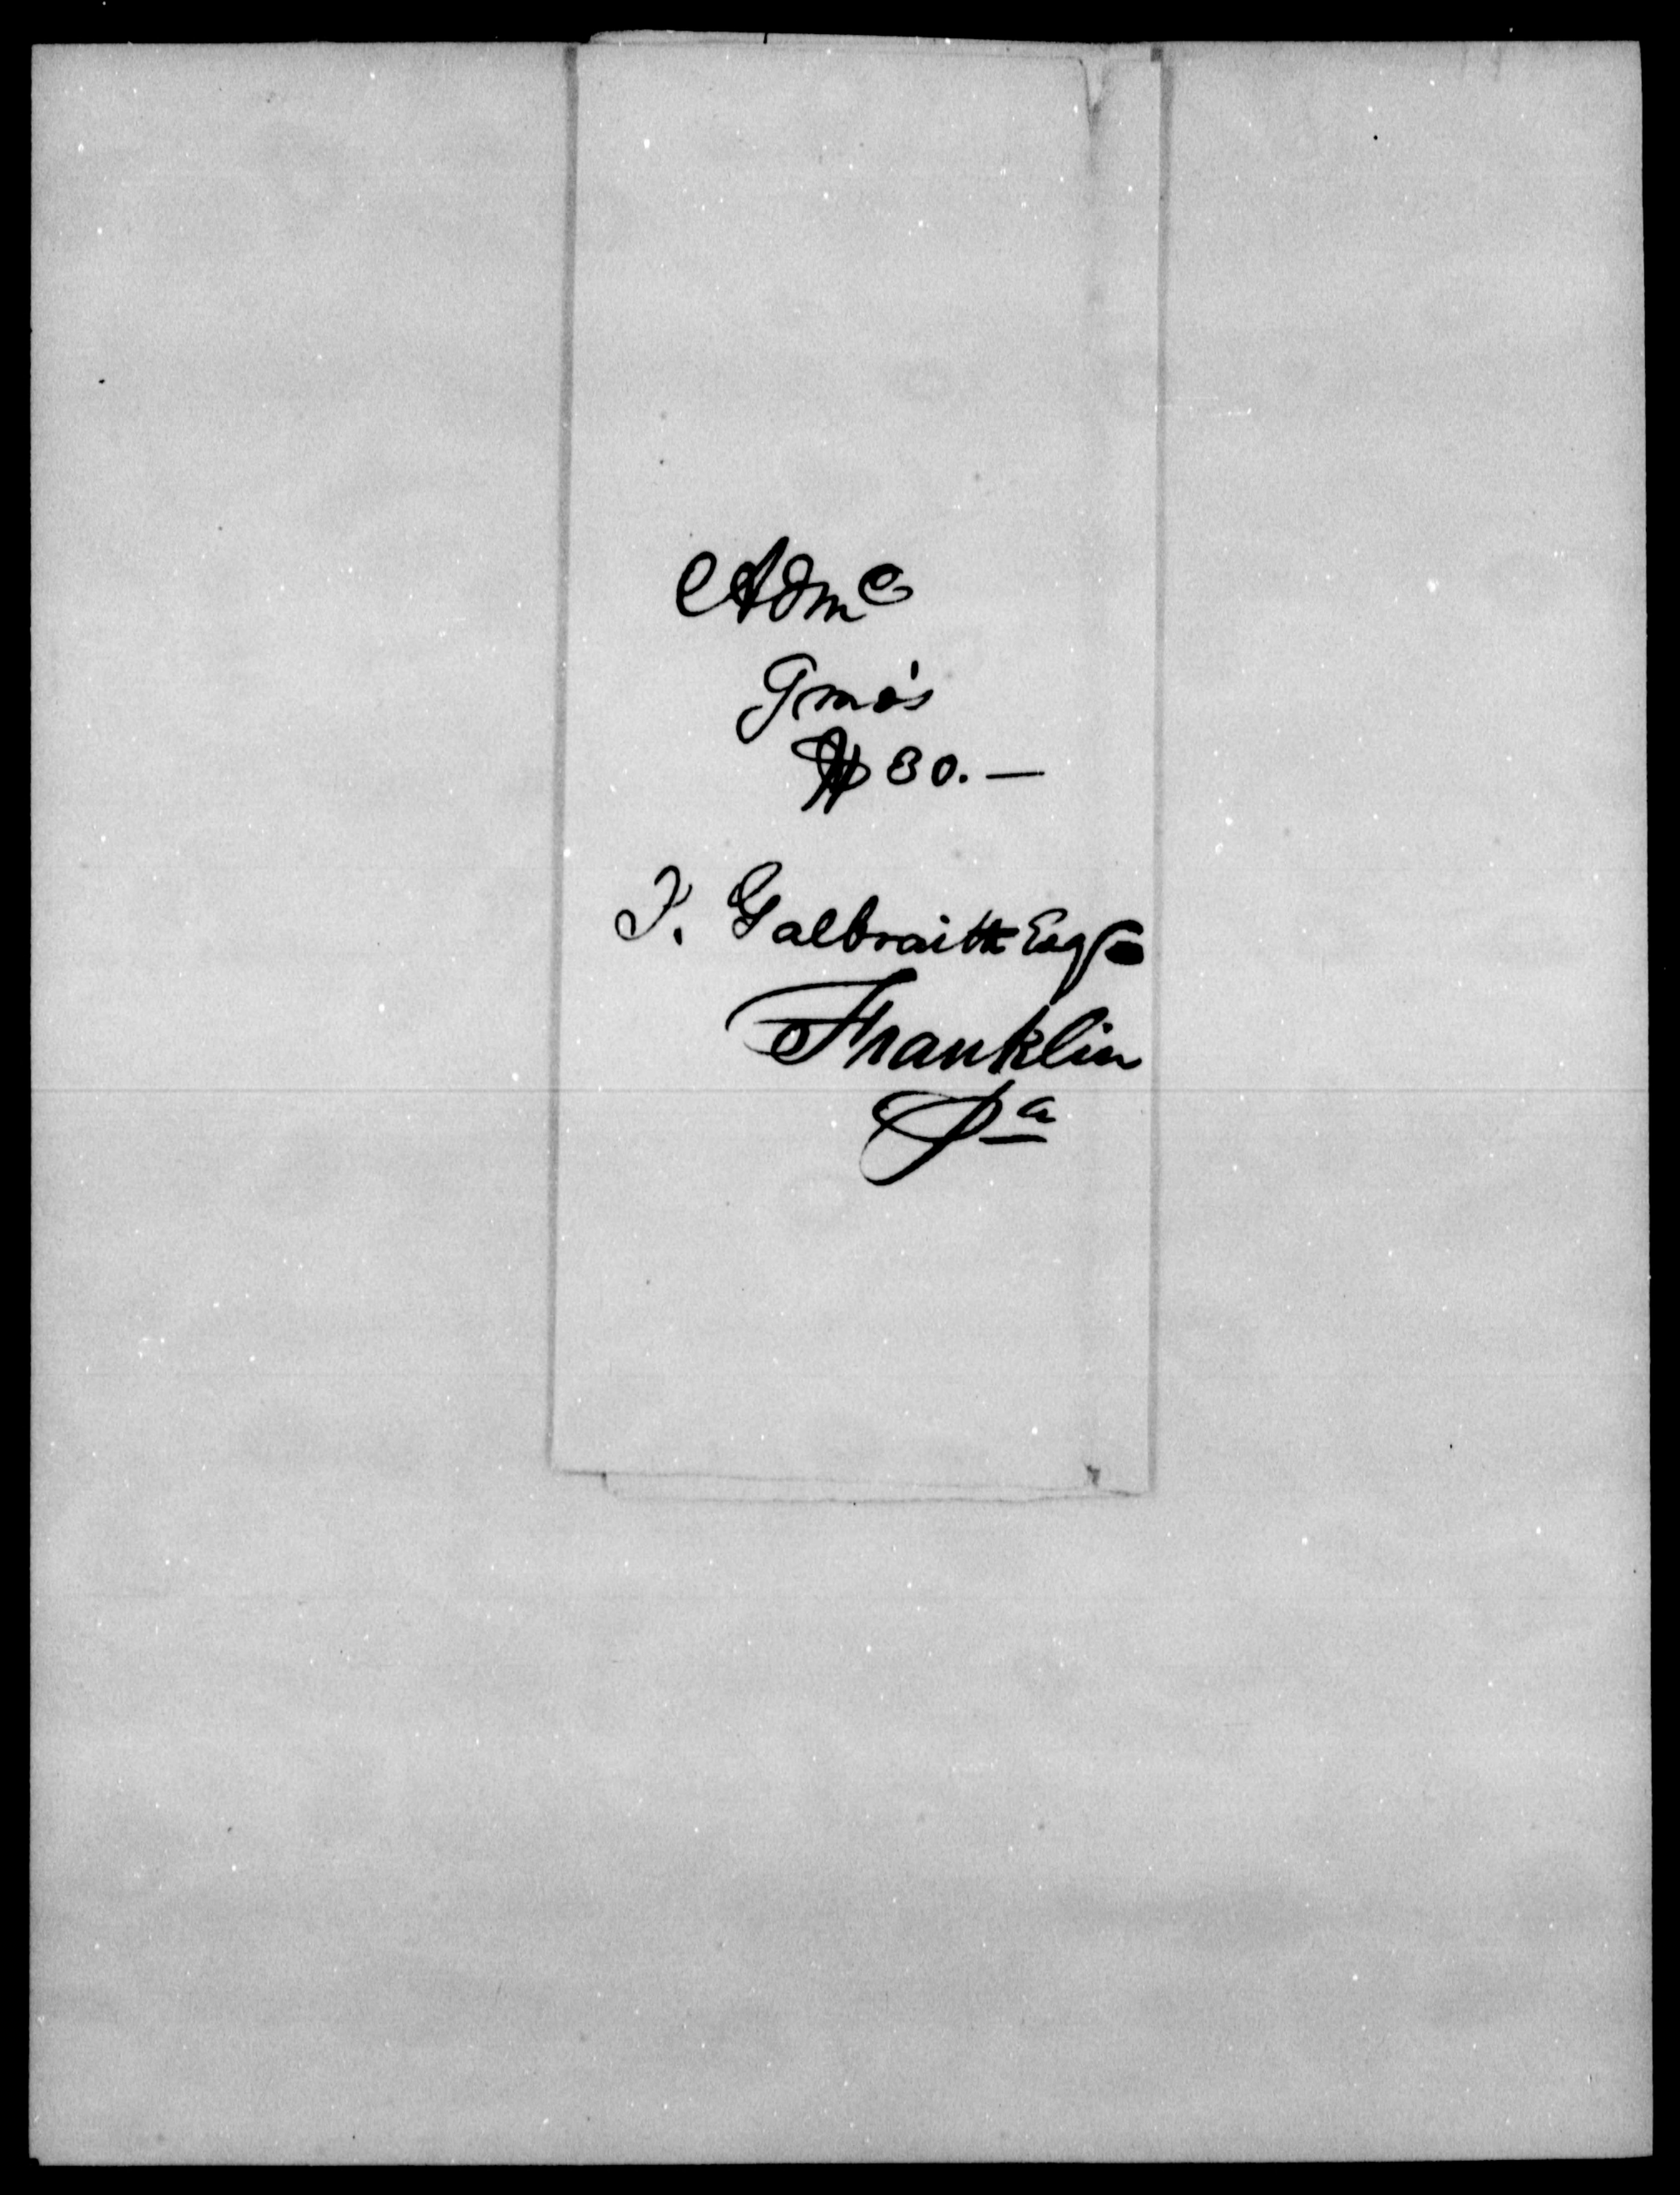Adm
Gmos
$ 80.-
J. Galbraith Esq
Franklin
Pa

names: J Galbraith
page: 7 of 19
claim: survivor's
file: S. 14,273, for William Reynolds, Pennsylvania